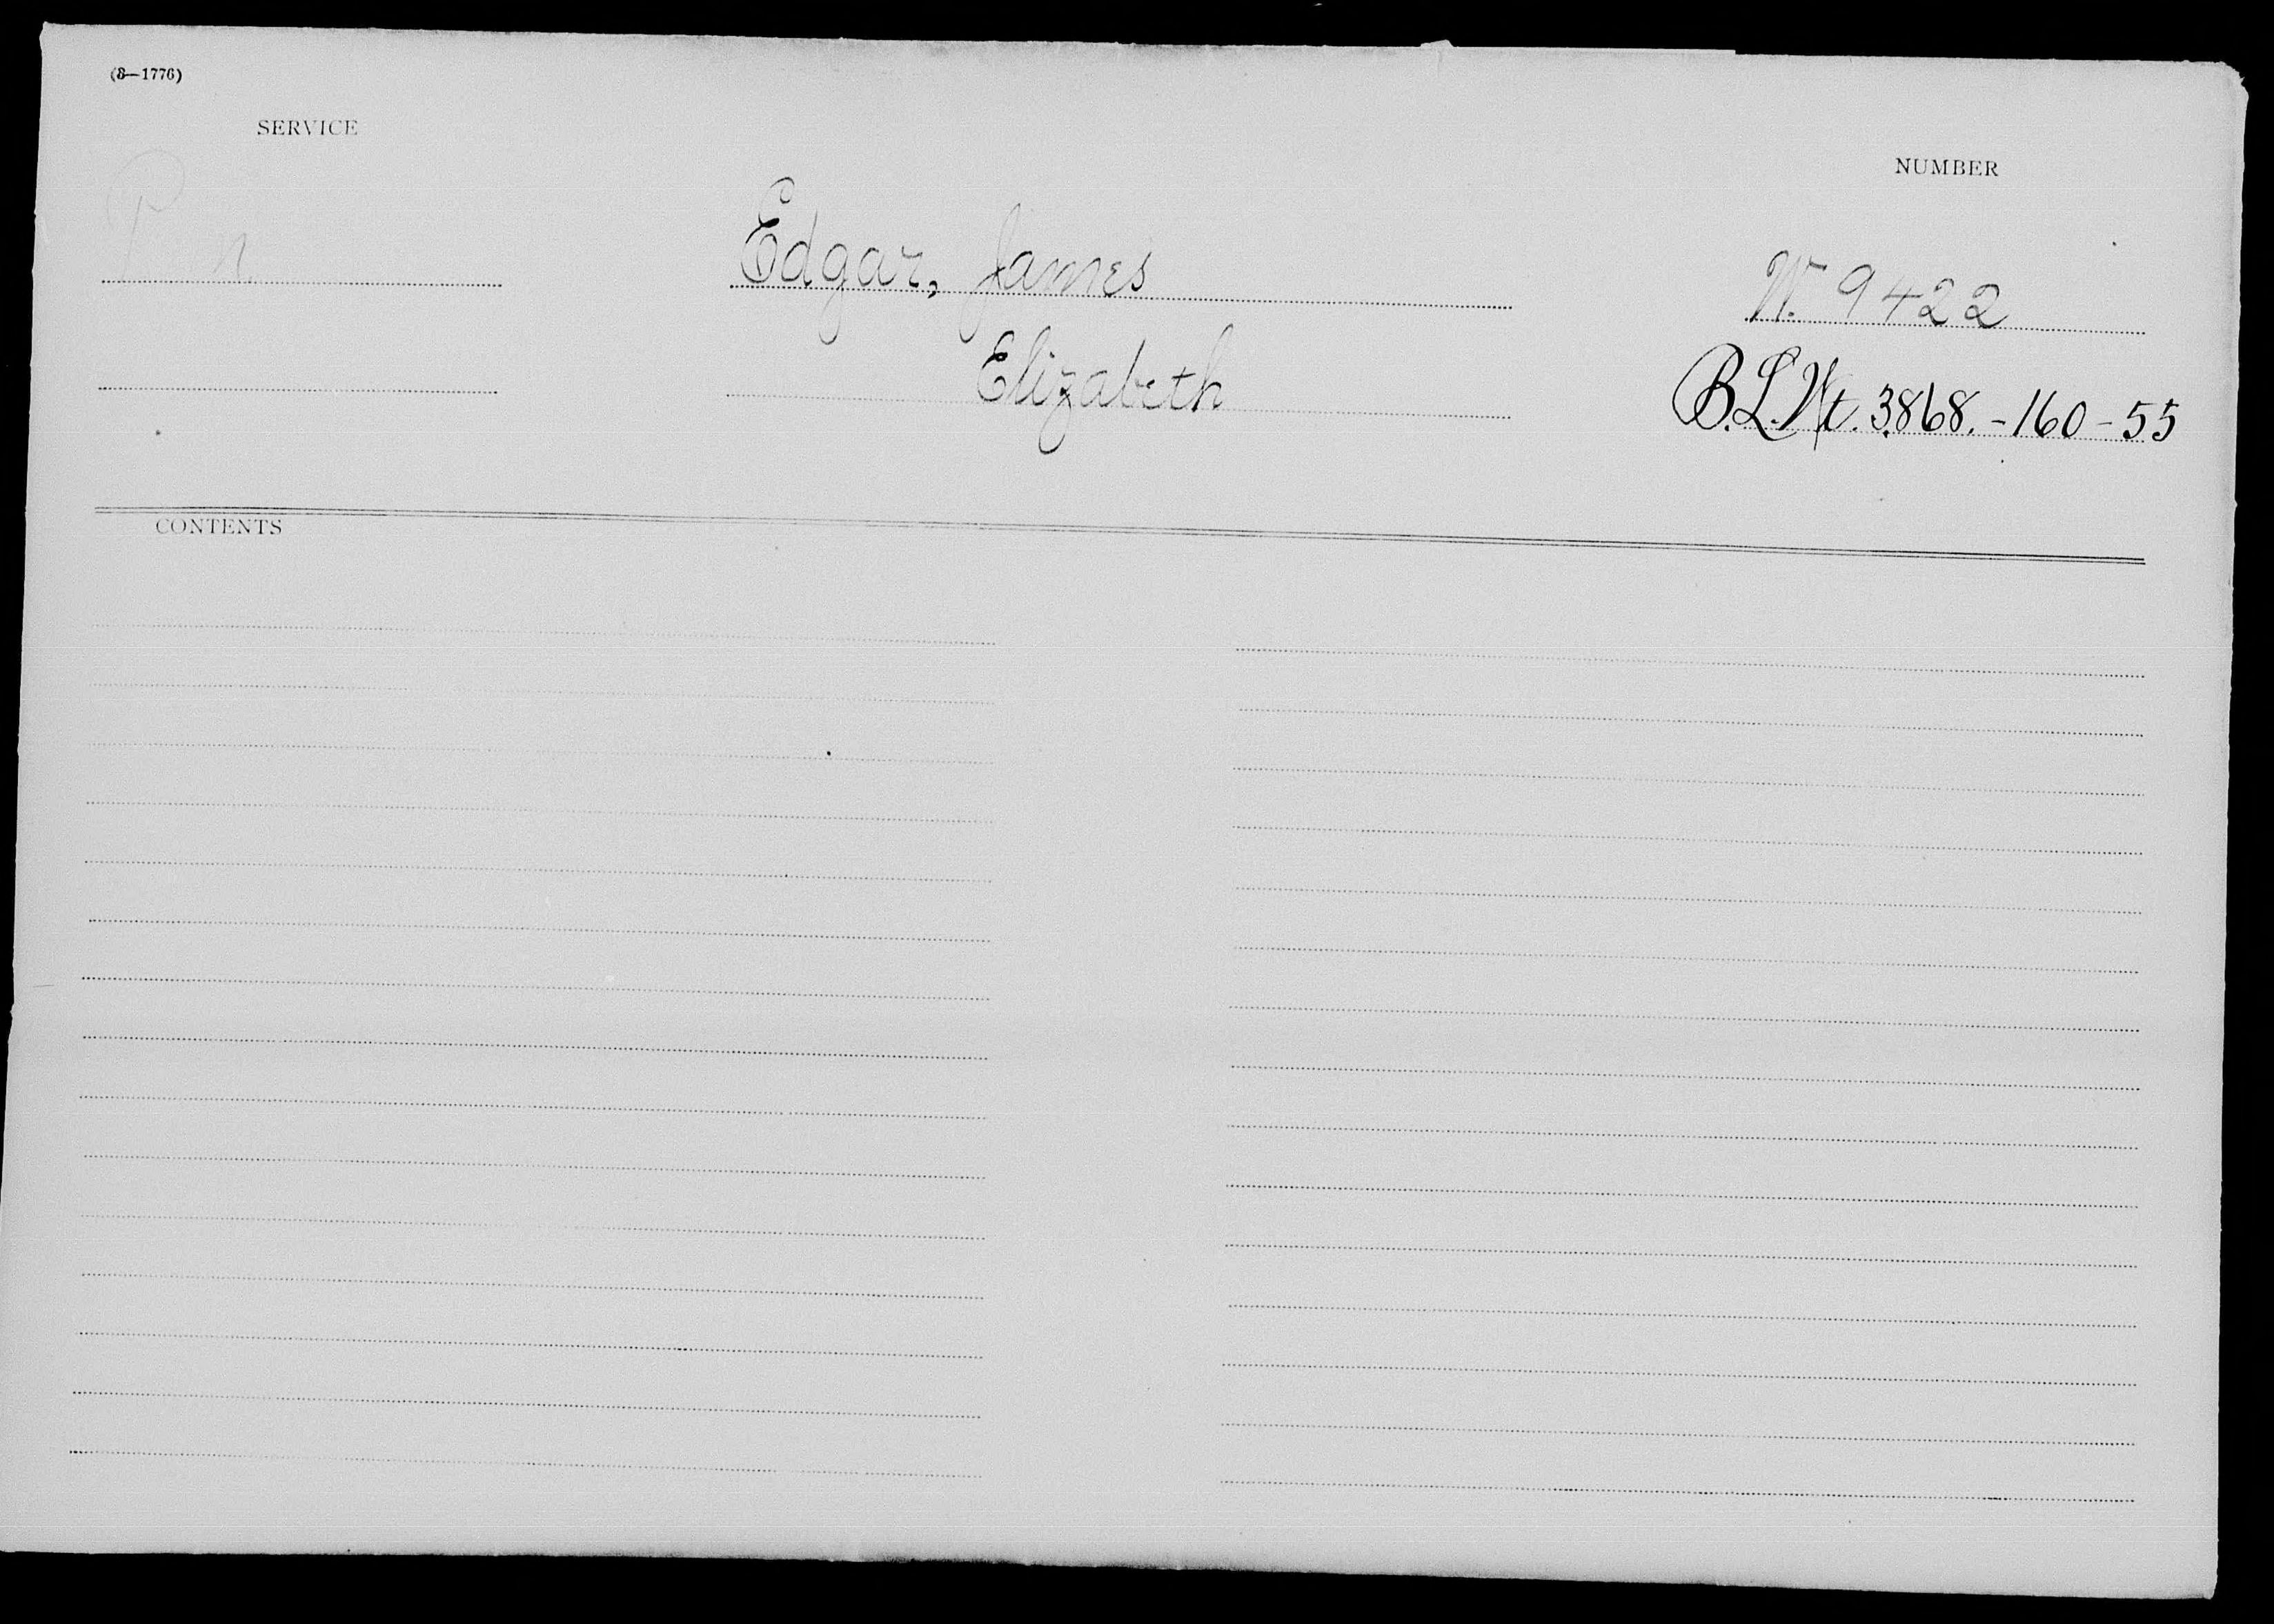(8-1776)

SERVICE
Penn

Edgar, James
Elizabeth

NUMBER
W. 9422
B.L.Vt. 3.868-160-55

CONTENTS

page: 1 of 74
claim: widow's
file: W. 9422, James Edgar, Penn.